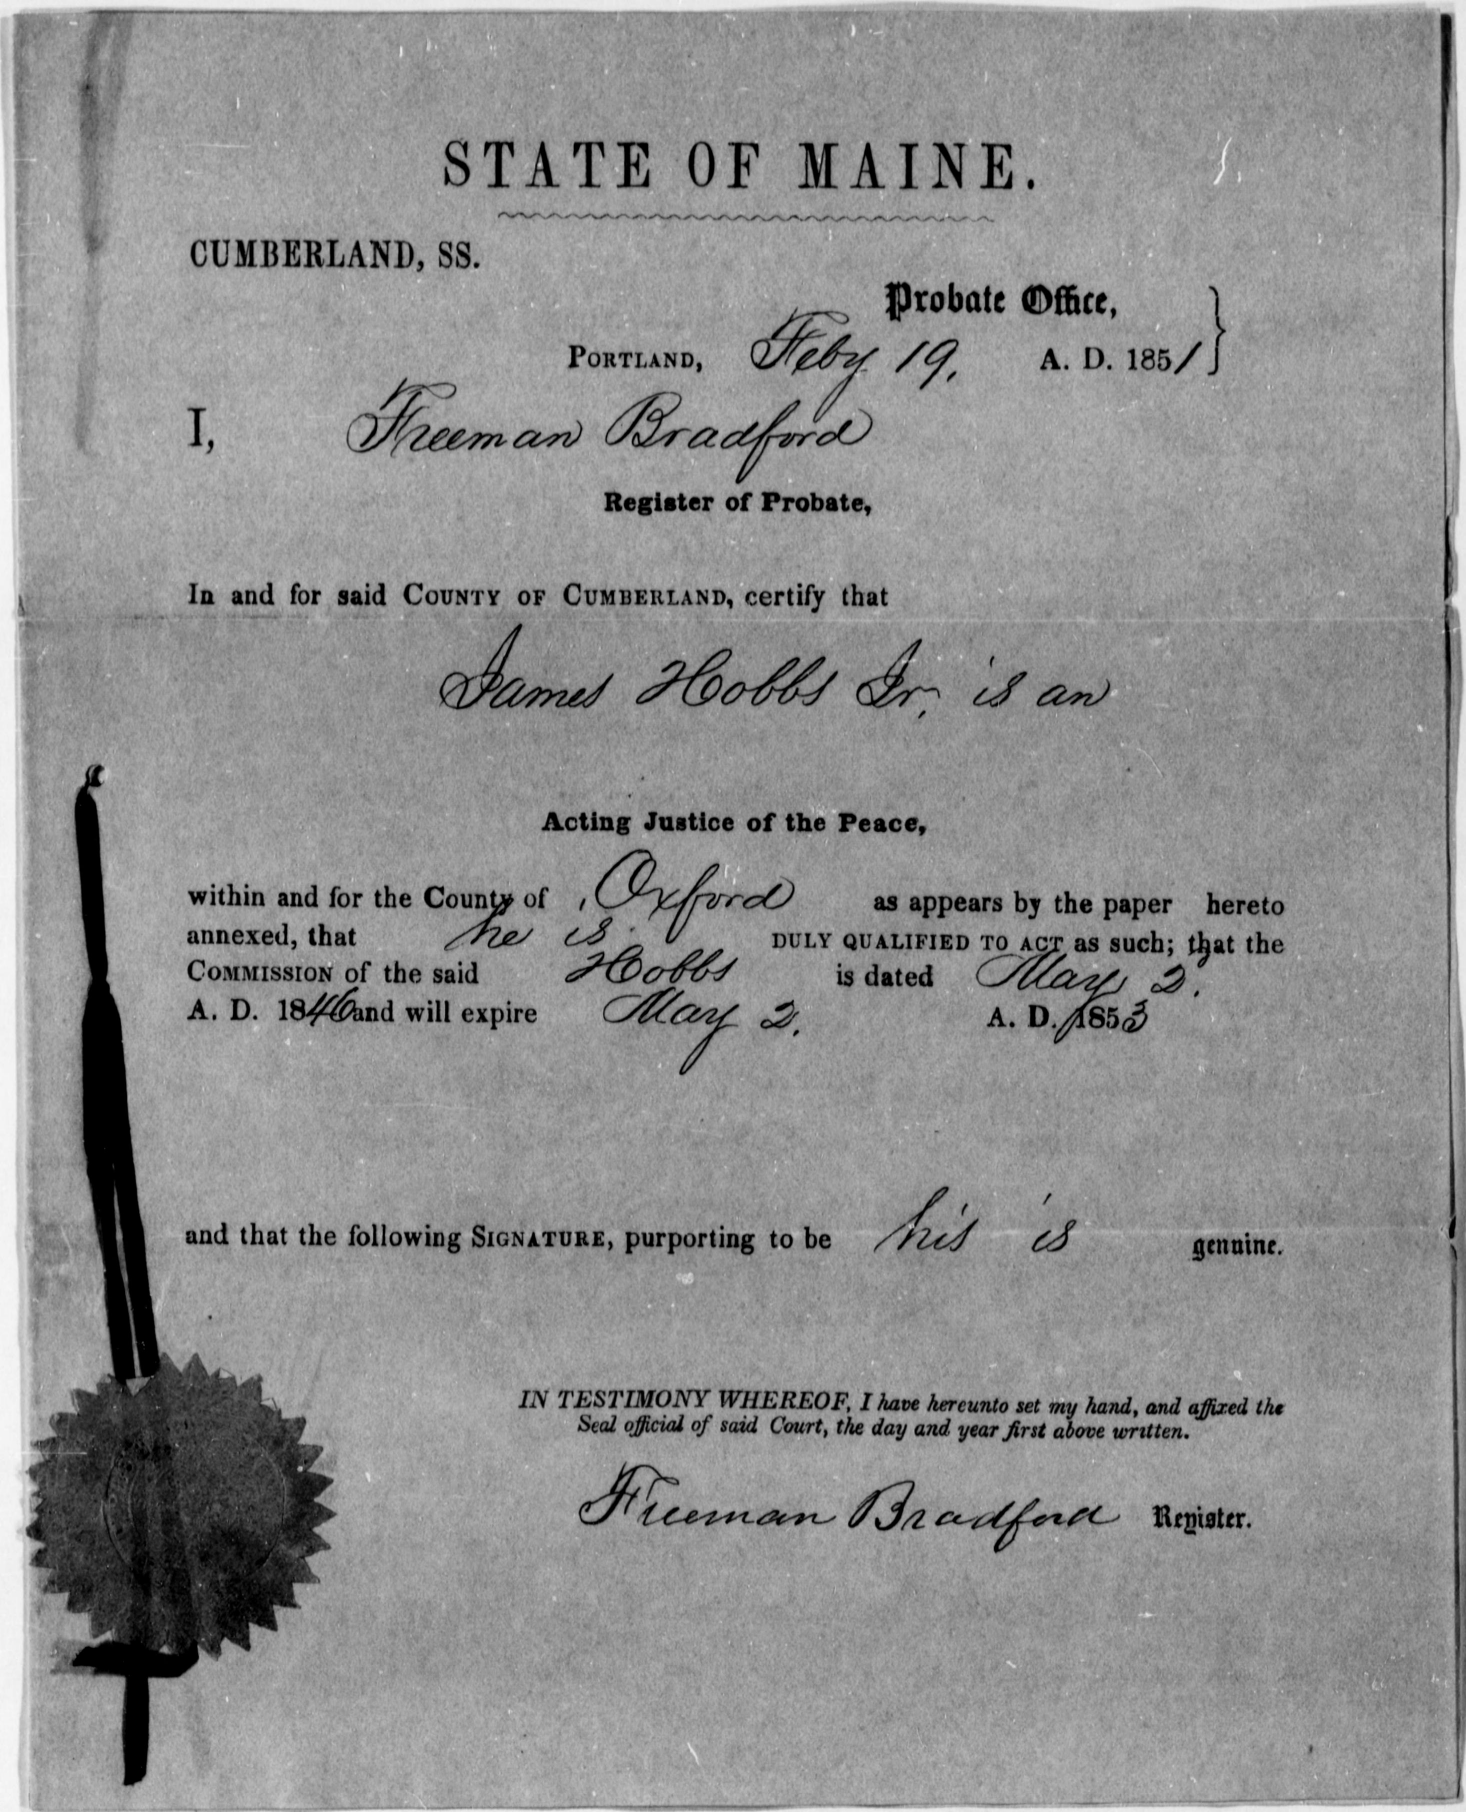STATE OF MAINE.
~~~~~~~~~~~~
CUMBERLAND, SS.
Probate Office,}
PORTLAND, Feby 19, A.D. 1851}

I, Freeman Bradford
Register of Probate,
In and for said COUNTY OF CUMBERLAND, certify that
James Hobbs Jr. is an
Acting Justice of the Peace,
within and for the County of Oxford as appear by the paper hereto annexed, that he is DULY QUALIFIED TO ACT as such; that the COMMISSION of the said Hobbs is dated May 2nd, A.D. 1846 and will expire May 2nd, A.D, 1853 and that the following SIGNATURE, purporting to be his is genuine.

IN TESTIMONY WHEREOF, I have hereunto set my hand, and affixed the Seal official of said Court, the day and year first above written.

[SIGNED: Freeman Bradford] Register.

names: Hobbs, Freeman Bradford, James Hobbs, Freeman Bradford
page: 73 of 86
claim: survivor's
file: S 29,568, Isaac Abbot, Mass